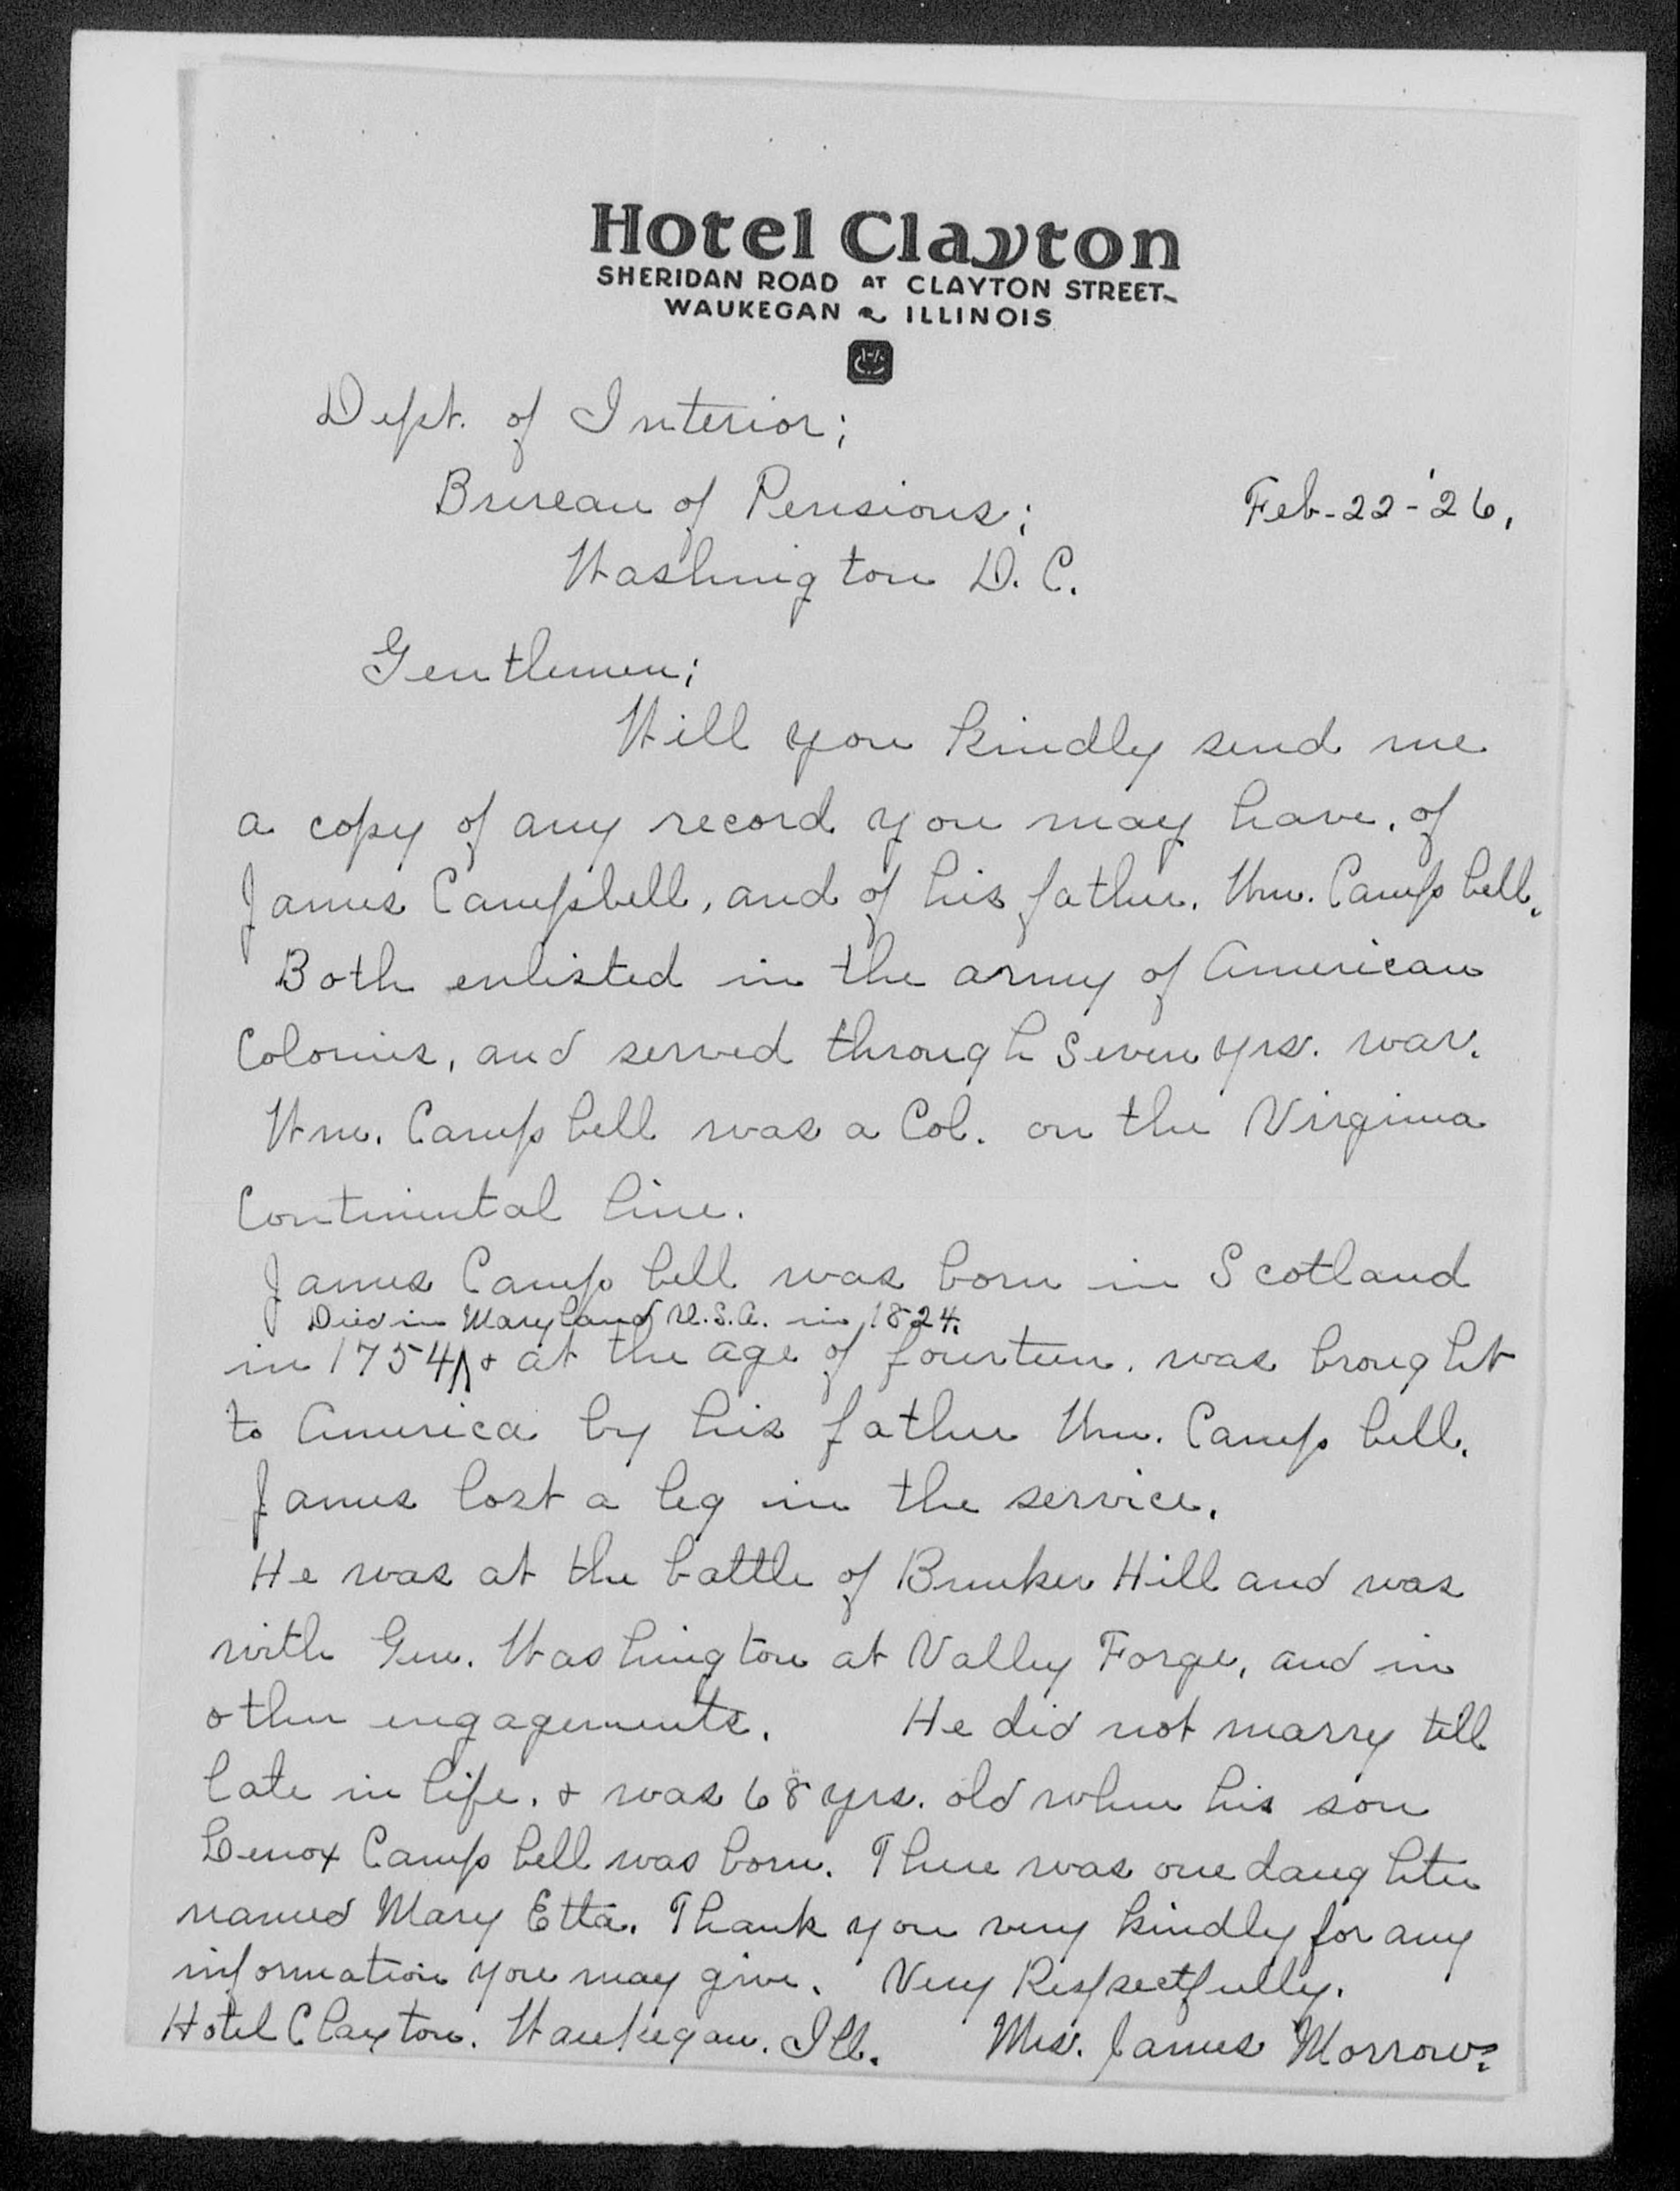Hotel Clayton
SHERIDAN ROAD AT CLAYTON STREET
WAUKEGAN ILLINOIS

Feb-22-'26,
Dept. of Interior;
Bureau of Pensions;
Washington D.C.

Gentlemen:
Will you kindly send me a copy of any record you may have of James Campbell, and of his father, Wm. Campbell.
Both enlisted in the army of American Colonies, and served through seven yrs. war.
Wm. Campbell was a Col. on the Virginia Continental line.
James Campbell was born in Scotland in 1754 Died Maryland U.S.A. in 1824. at the age of fourteen, was brought to America by his father Wm. Campbell, James lost a leg in the service.
He was at the battle of Bunker Hill and was with Gen. Washington at Valley Forge, and in other engagements. He did not marry till late in life, & was 68 yrs. old when his son Lenox Campbell was born. There was one daughter named Mary Etta. Thank you very kindly for any information you may give. Very Respectfully,
Mrs. James Morrow.
Hotel Clayton. Waukegan, Ill.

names: Mary Etta, James Morrow, James Campbell, James, Lenox Campbell, James Campbell, Wm Campbell, Wm Campbell, Washington, Wm Campbell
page: 157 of 267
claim: widow's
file: W. 4,149, William Campbell, Va.